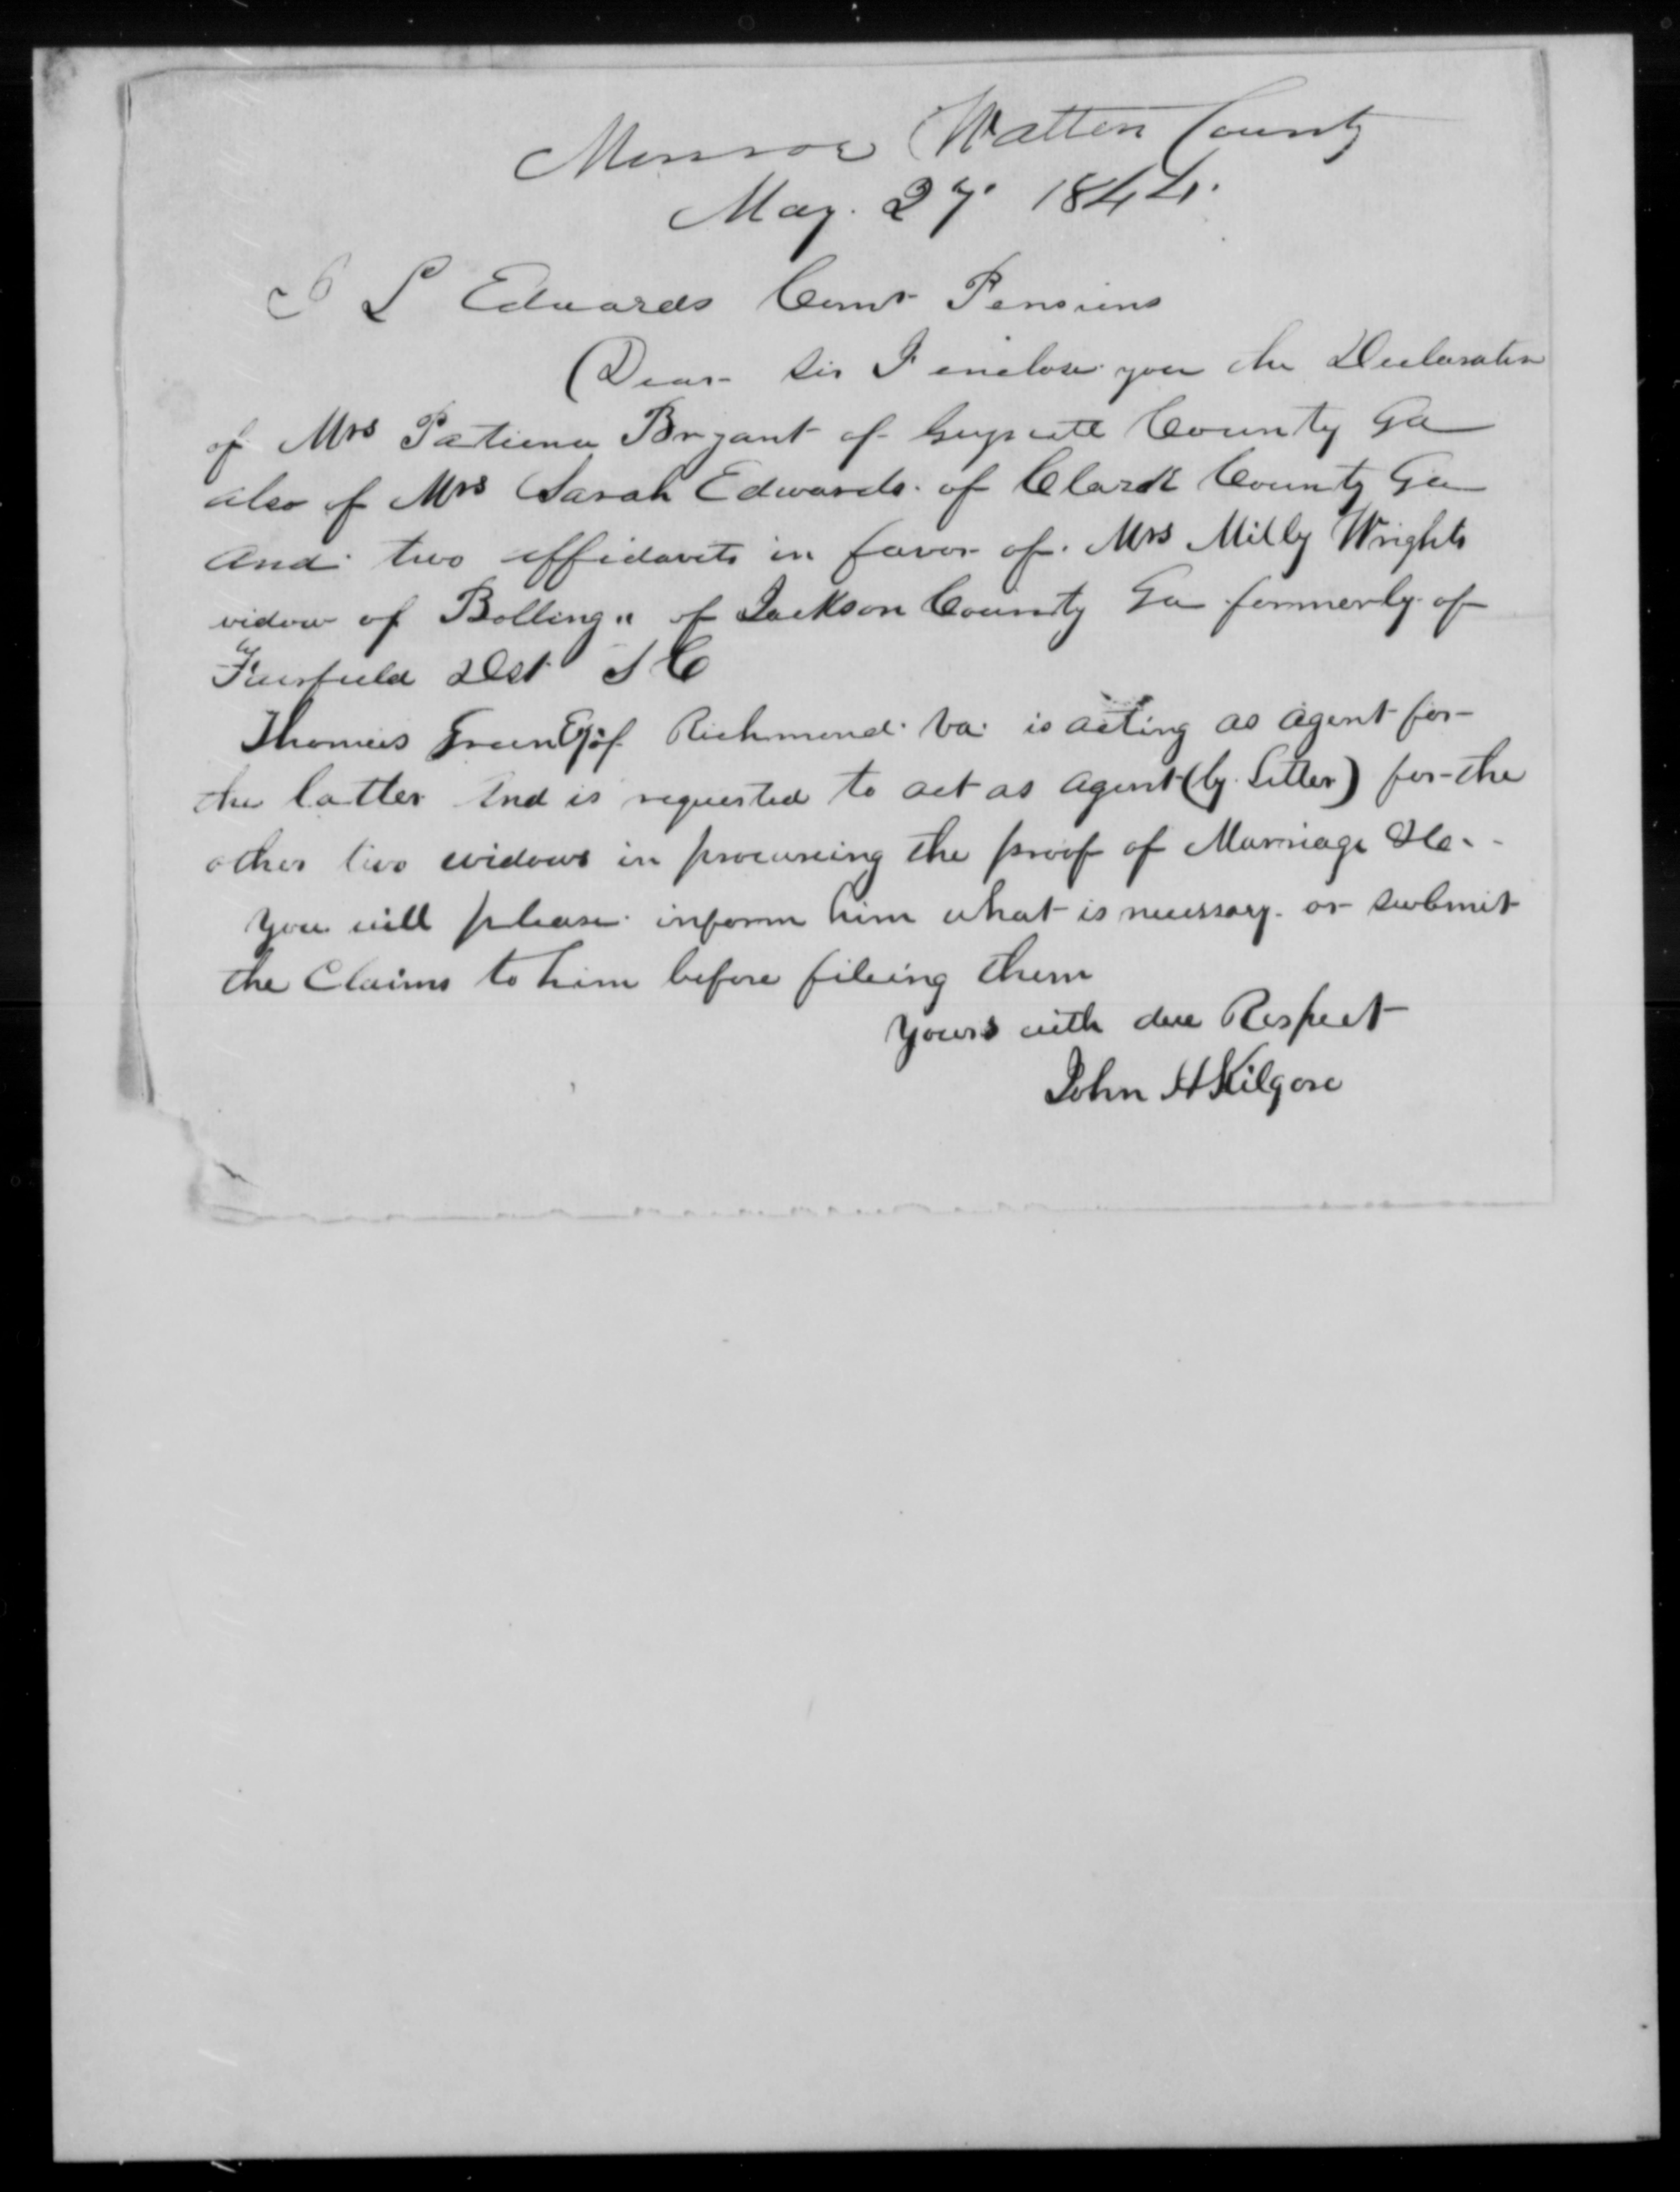Monroe Watten County
May 27 1844

J L Edwards Comr Pensions
Dear Sir I enclose you the Declaration
of Mrs Patience Bryant of Gwynett County Ga
also of Mrs Sarah Edwards of Clark County Ga
And two affidavits in favor of Mrs Milly Wright
widow of Bolling of Jackson County Ga formerly of
Fairfield Dst S. C
Thomas Green Esqr of Richmond Va. is acting as agent for
the latter and is requested to act as agent (by Letter) for the
other two widows in procuring the proof of Marriage &c
You will please inform him what is necessary. or submit
the claims to him before filing them
Yours with due Respect
John H Kilgore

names: John H Kilgore, Sarah Edwards, Milly Wrights, J L Edwards, Thomas Green, Patience Bryant, Bolling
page: 38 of 81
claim: widow's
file: W. 5183, Bolling Wright, Va.